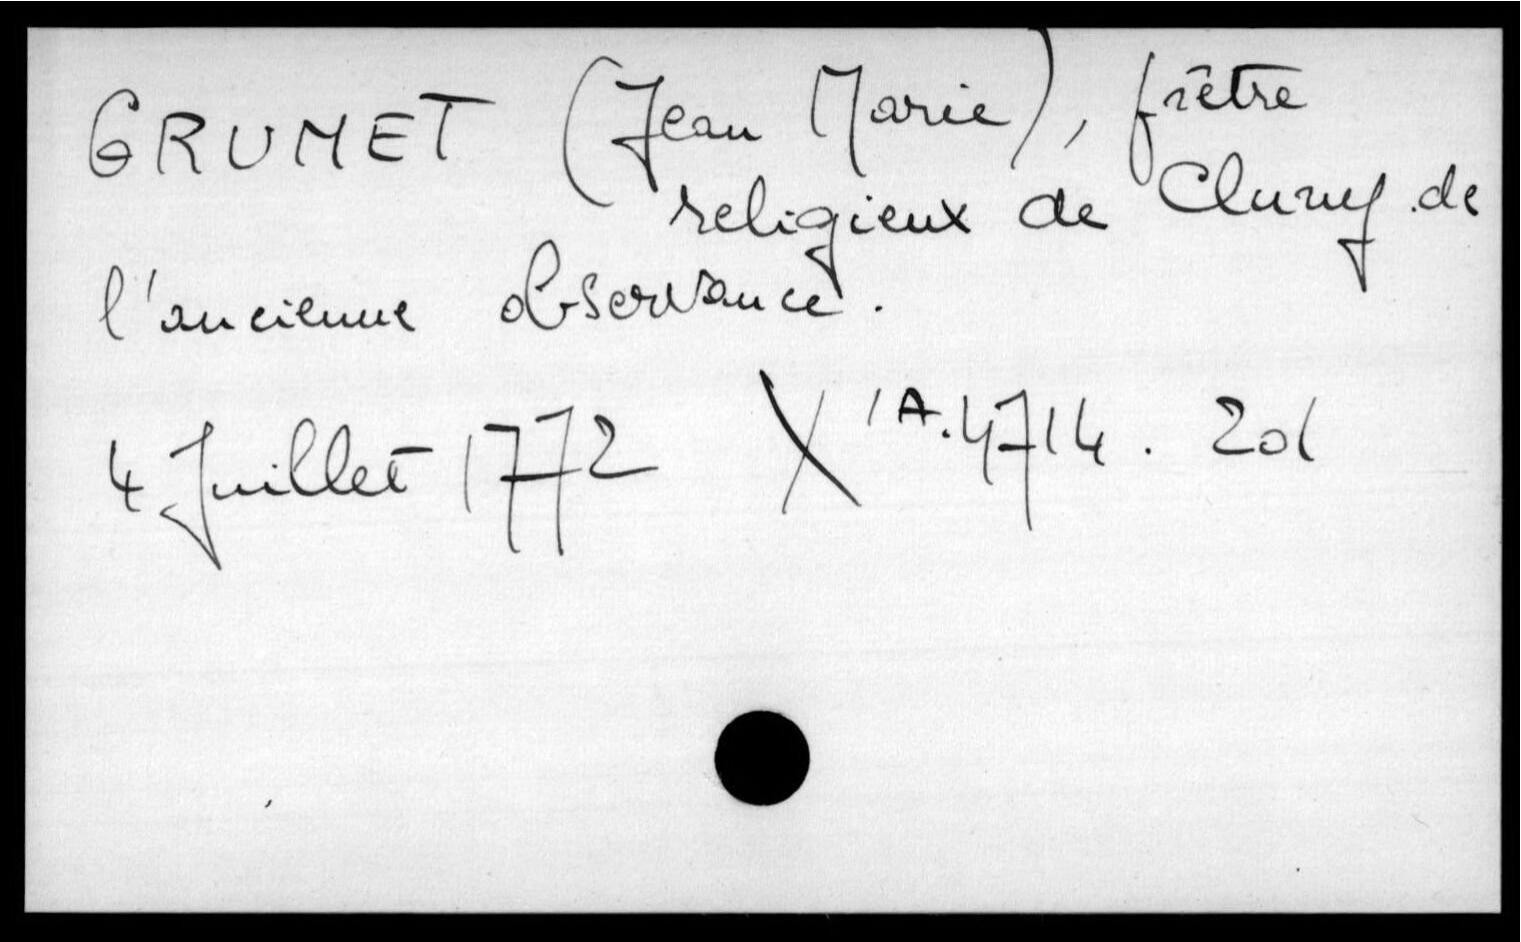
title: GRUMET (Jean Marie), prêtre religieux de Cluny de l'ancienne observance
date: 4 juillet 1772
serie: X1A
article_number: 4714
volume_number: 201
